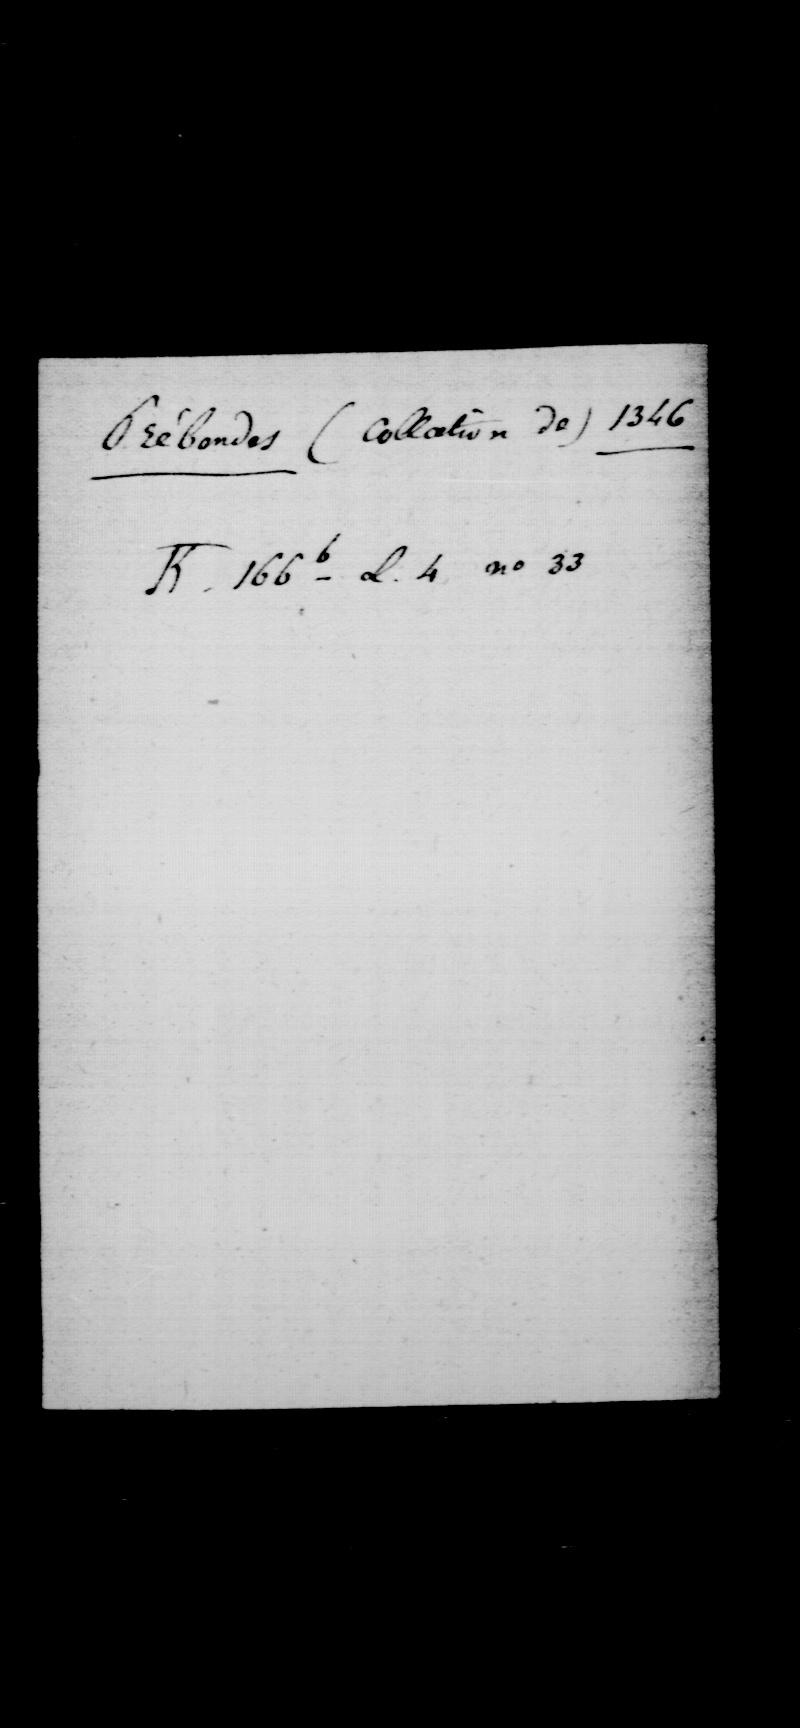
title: Prébendes (collation de)
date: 1346
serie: K
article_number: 166/b
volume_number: liasse 4 n° 33
